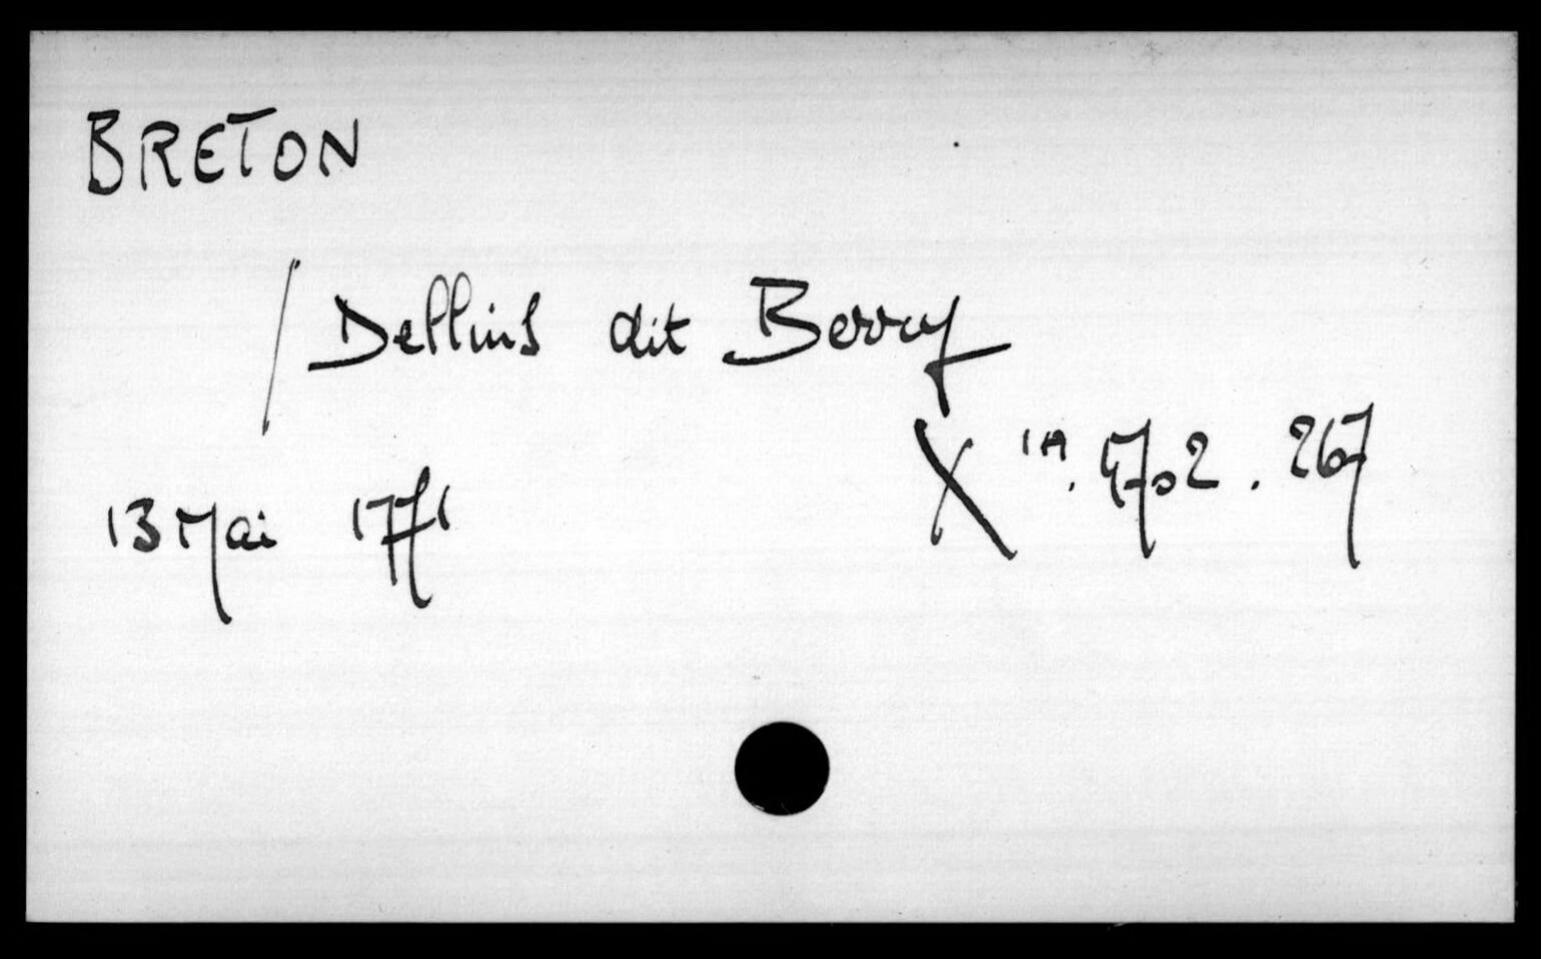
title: BRETON
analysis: Contre Dellins dit Berry
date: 13 mai 1771
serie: X1A
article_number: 4702
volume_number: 267
